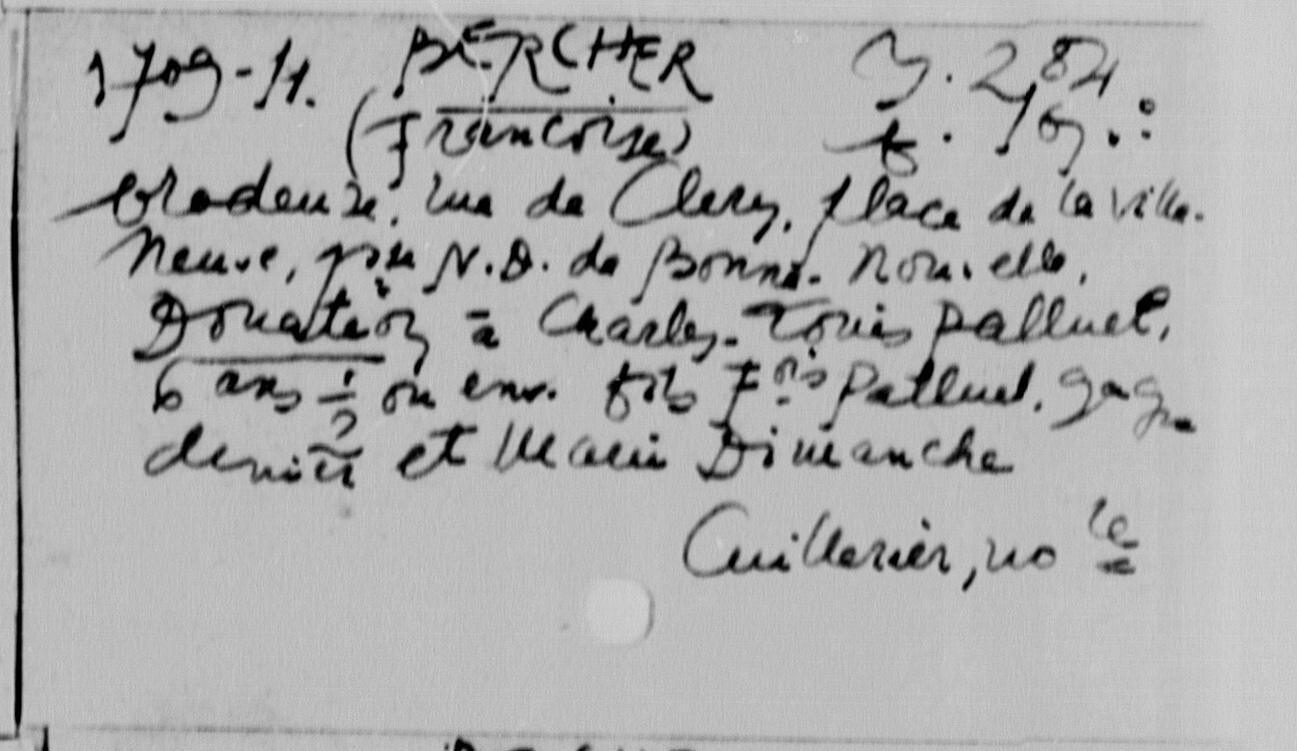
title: BERCHER (Françoise)
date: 1709-1714
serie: Y
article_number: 284
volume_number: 161v
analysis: Brodeuse, rue de Clery, place de la ville-Neuve, paroisse Notre-Dame de Bonne-Nouvelle. Donation à Charles-Louis Palluel, 6 ans 1/2 ou environ fils François Palluel, gagne-denier et Marie Dimanche. Cuillerier, notaire.
